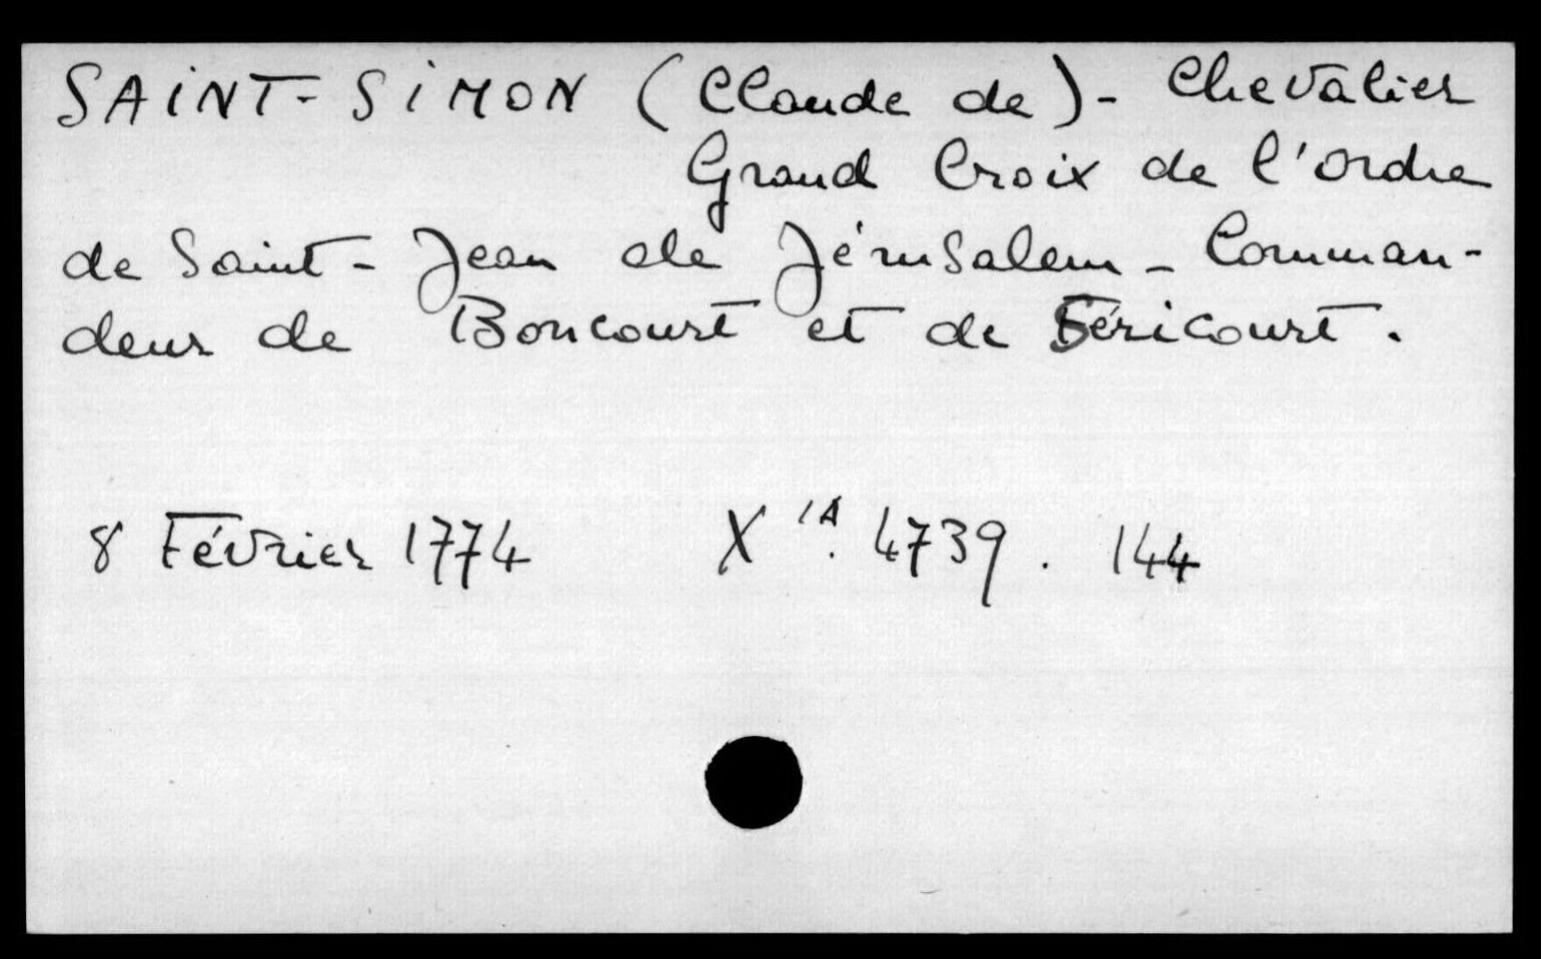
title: SAINT-SIMON (Claude de), Chevalier grand Croix de l'ordre de Saint-Jean de Jerusalem-commandeur de Boncourt et de Séricourt
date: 8 février 1774
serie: X1A
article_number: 4739
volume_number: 144
